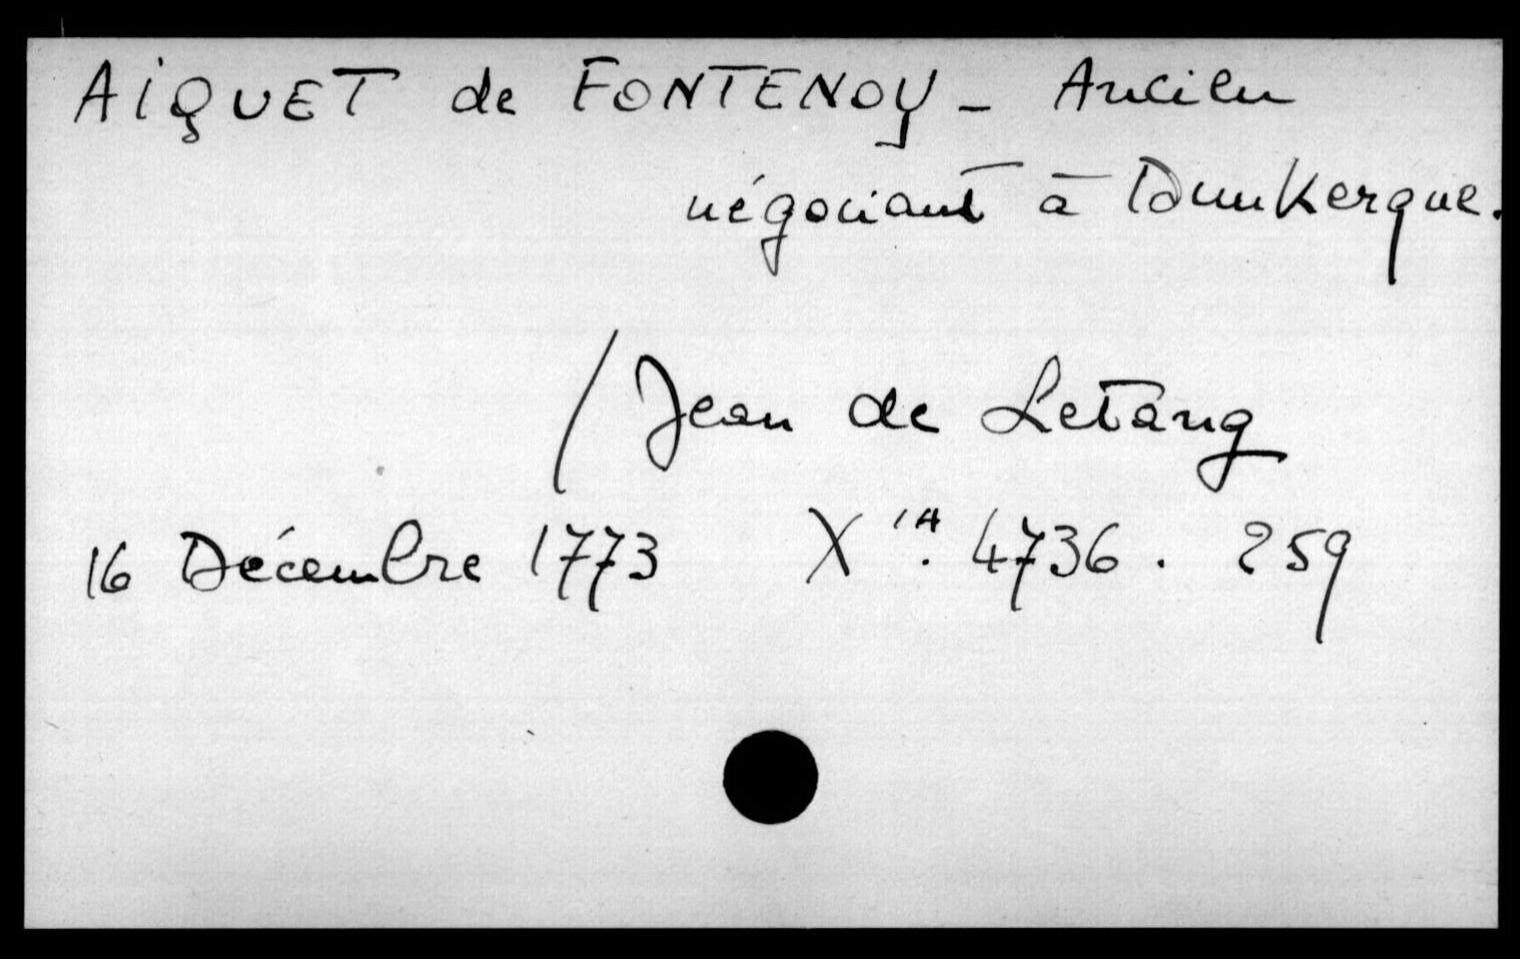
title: AIQUET de FONTENOY - Ancien négociant à Dunkerque.
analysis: Contre Jean de Letang
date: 16 décembre 1773
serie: X1A
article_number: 4736
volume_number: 259
